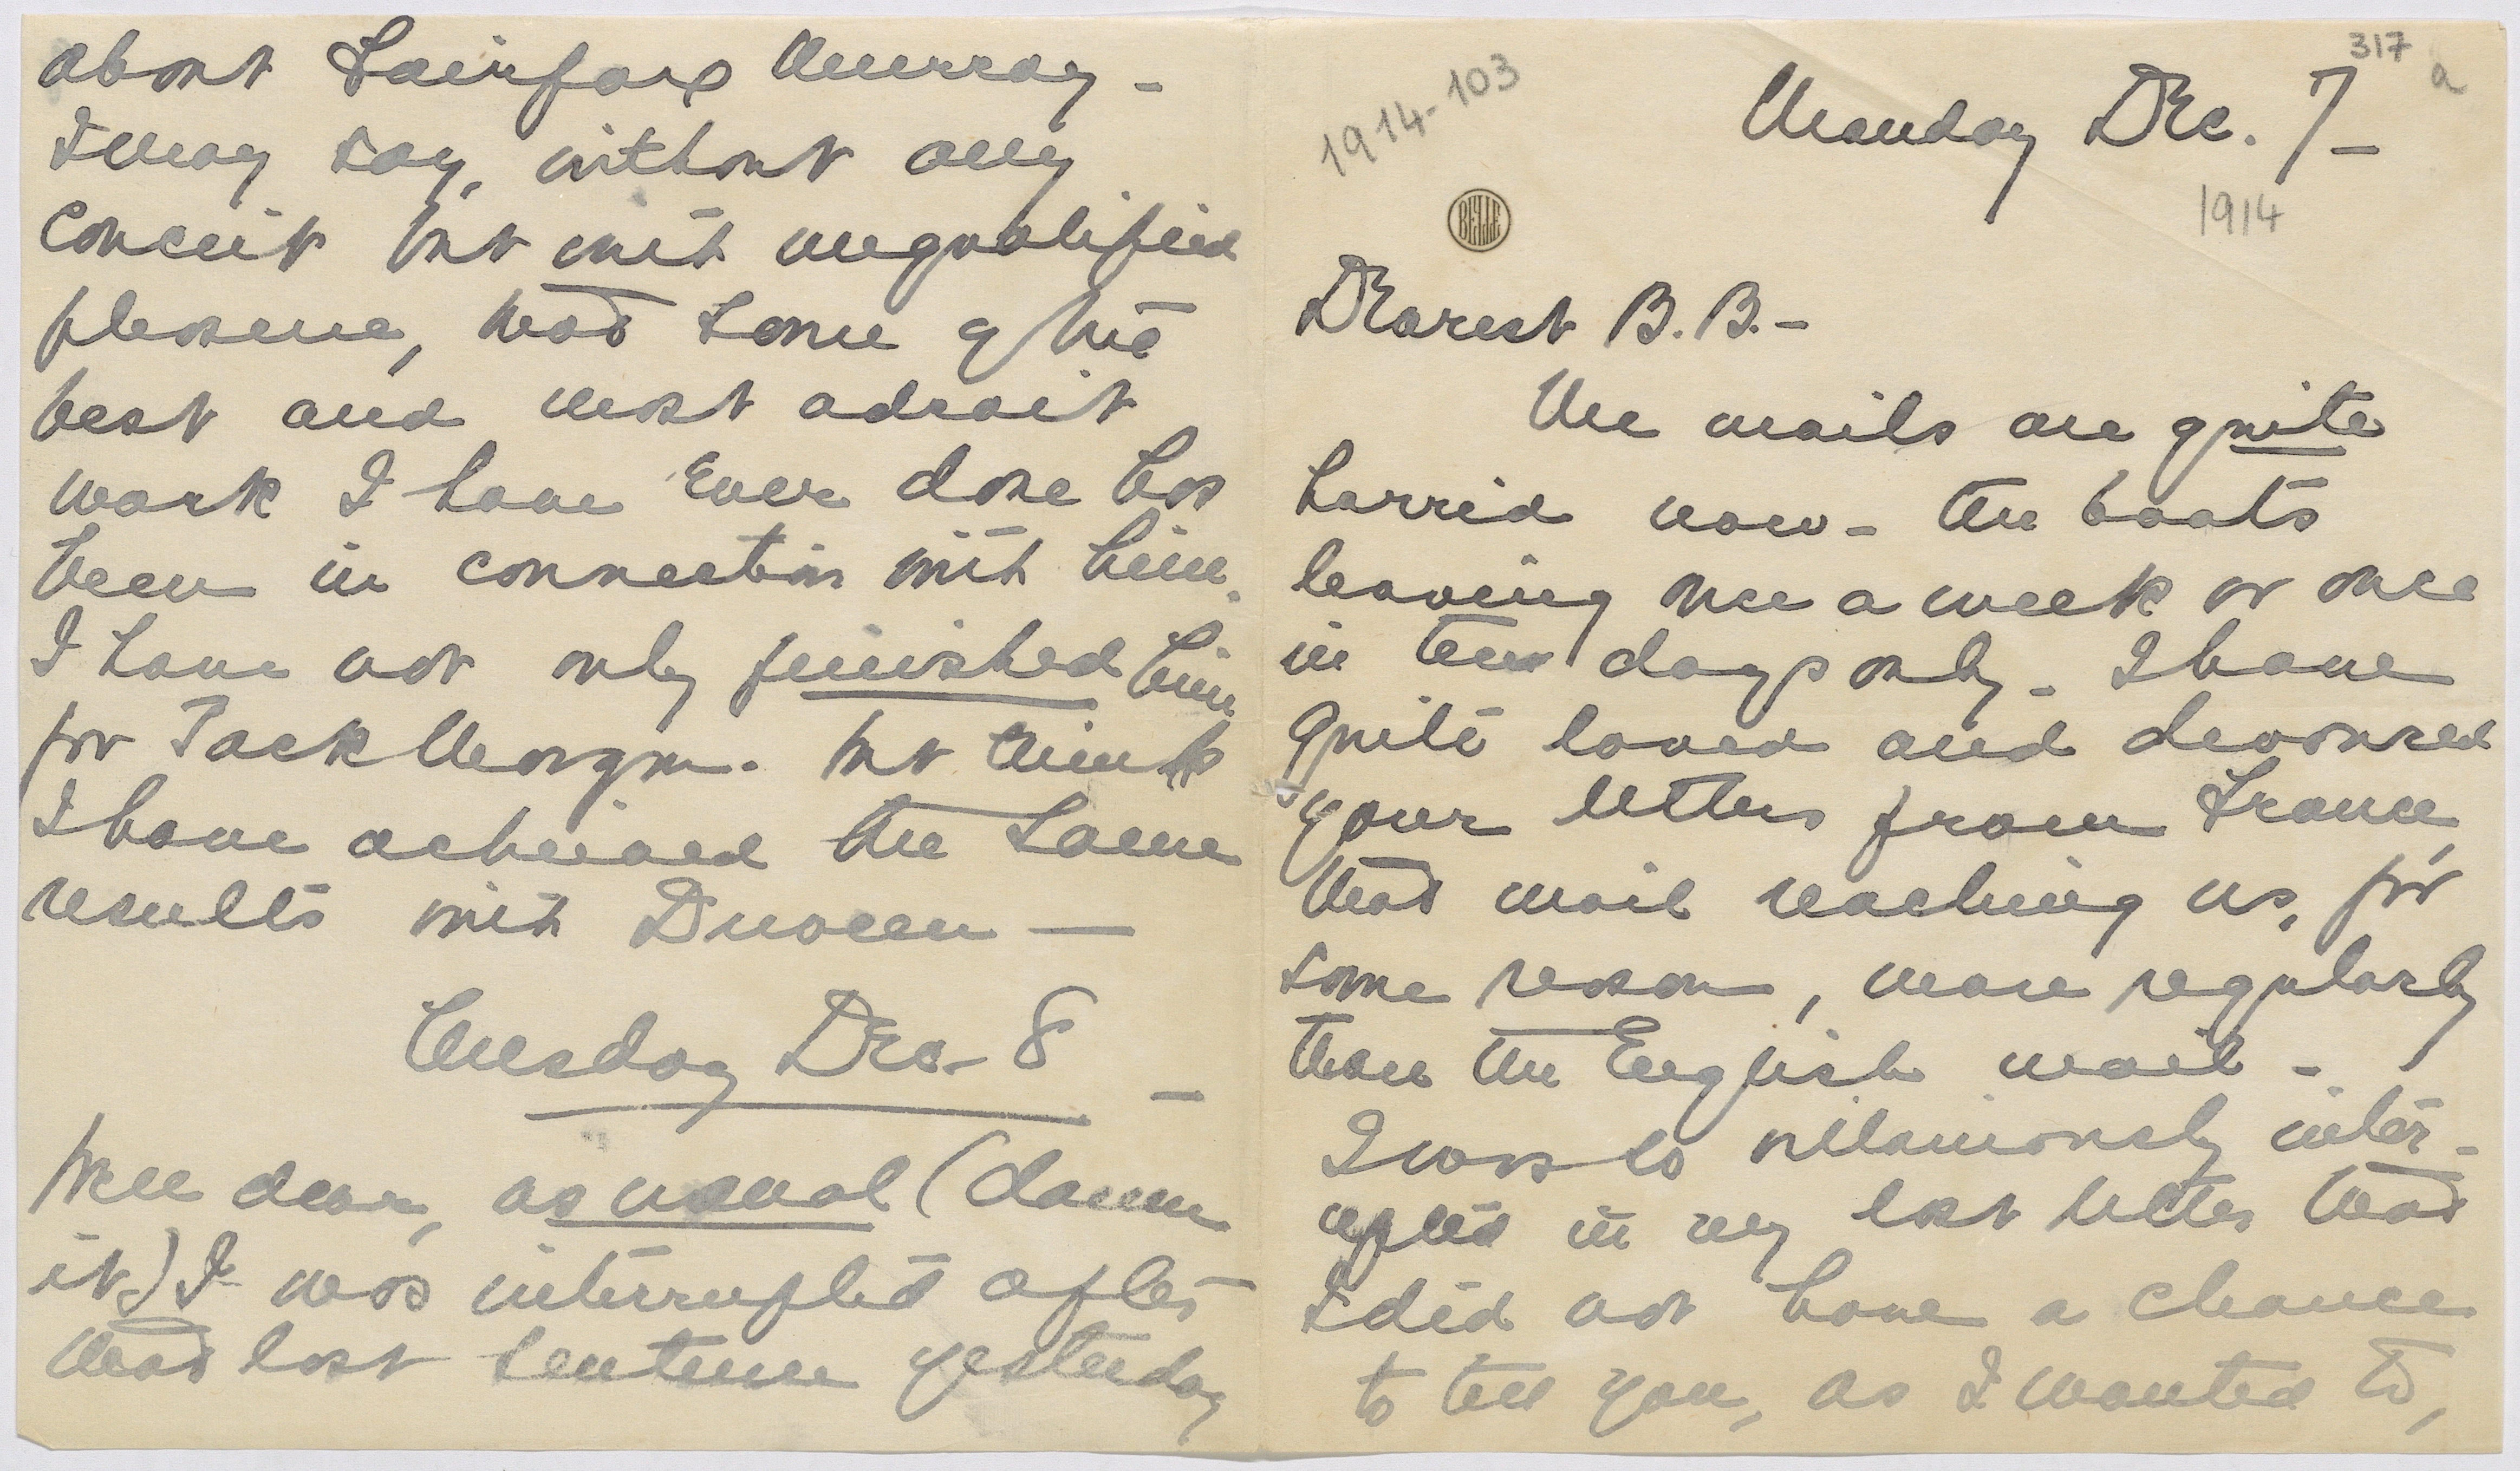Monday Dec. 7 –
Dearest B.B. –
The mails are quite horrid now – the boats leaving once a week or once in ten days only – I have quite loved and devoured your letters from France, that mail reaching us, for some reason, more regularly than the English mail –
I was so villainously interrupted in my last letter that I did not have a chance to tell you, as I wanted to,
about Fairfax Murray – I may say, without any conceit but with unqualified pleasure, that some of the best and most adroit work I have ever done has been in connection with him. I have not only finished him for Jack Morgan – but think I have achieved the same results with Duveen –
Tuesday Dec. 8 –
Well dear, as usual (damn it) I was interrupted after that last sentence yesterday